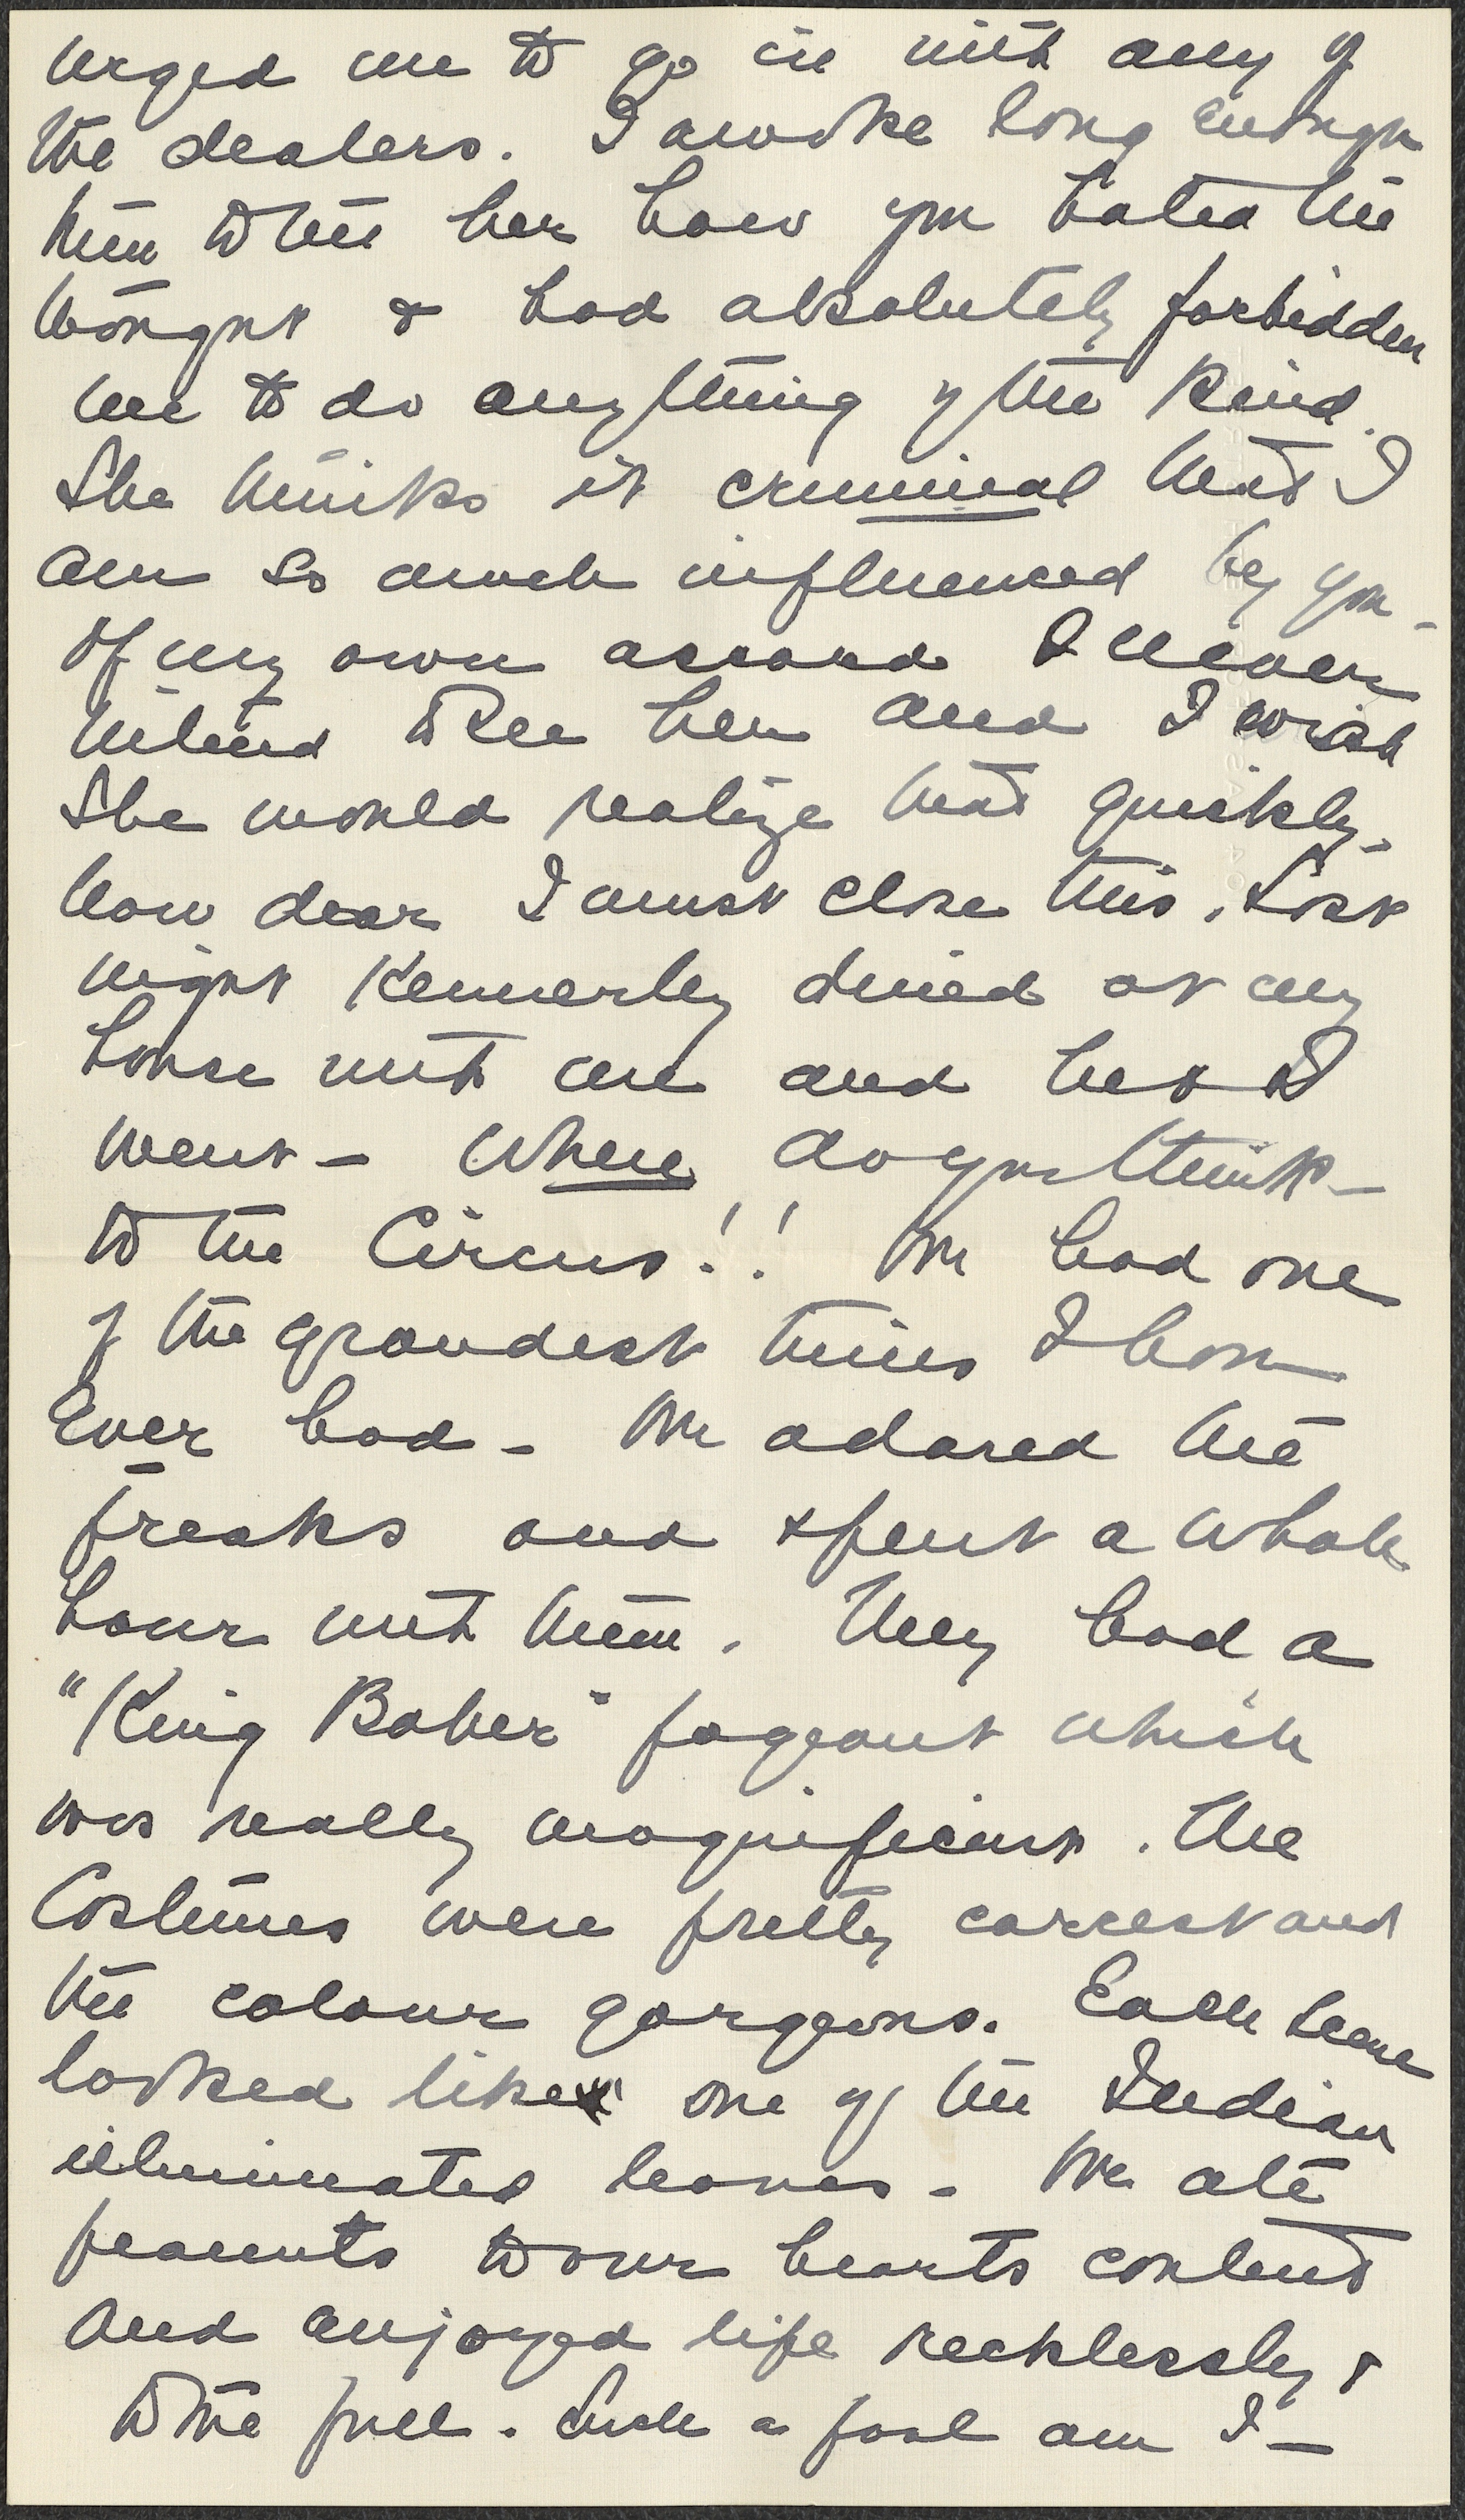urged me to go in with any of the dealers. I awoke long enough then to tell her how you hated the thought & had absolutely forbidden me to do anything of the kind. She thinks it criminal that I am so much influenced by you – of my own accord I never intend to see her and I wish she would realize that quickly – Now dear I must close this, last night Kennerley dined at my house with me and he & I went – where do you think – to the Circus!! We had one of the grandest times I have ever had – we adored the freaks and spent a whole hour with them – they had a “King Babur” pageant which was really magnificent. The costumes were pretty correct and the colour gorgeous. Each scene looked liked one of the Indian illuminated leaves – We ate peanuts to our hearts content and enjoyed life recklessly & to the full – Such a fool am I –